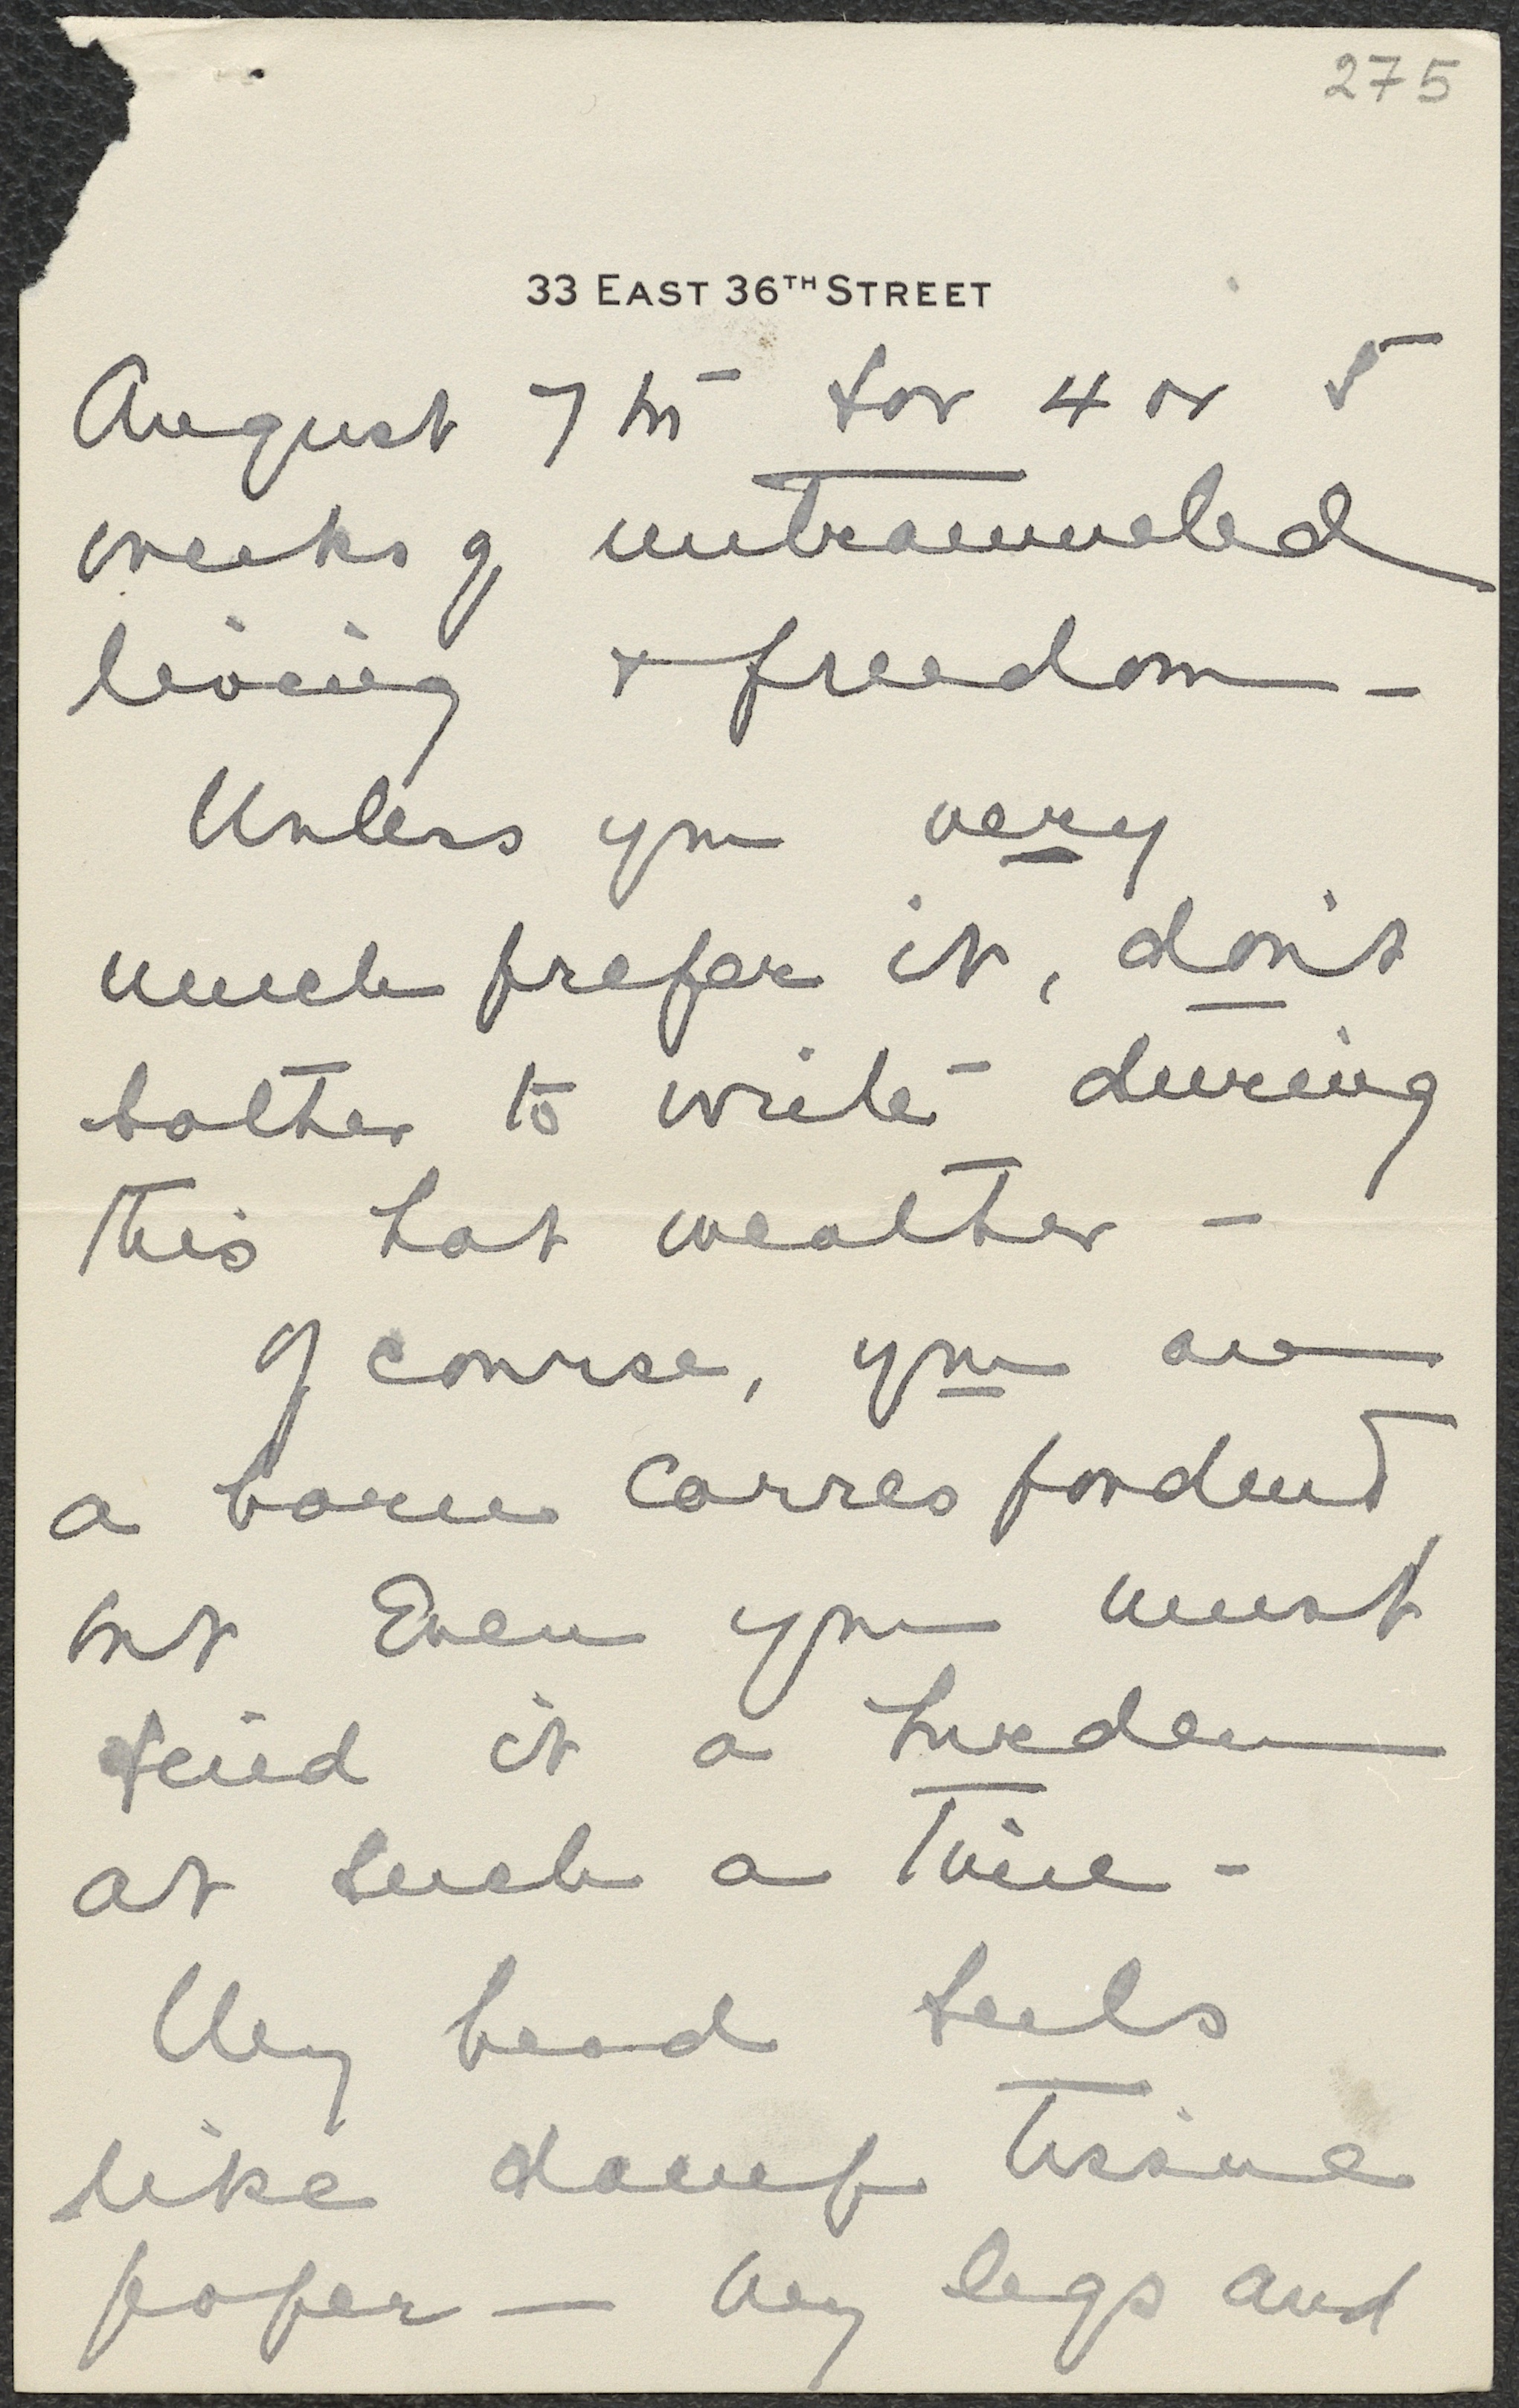August 7th for 4 or 5 weeks of untrammeled living & freedom –
Unless you very much prefer it, don’t bother to write during this hot weather –
Of course, you are a born correspondent but even you must find it a burden at such a time –
My head feels like damp tissue paper – my legs and